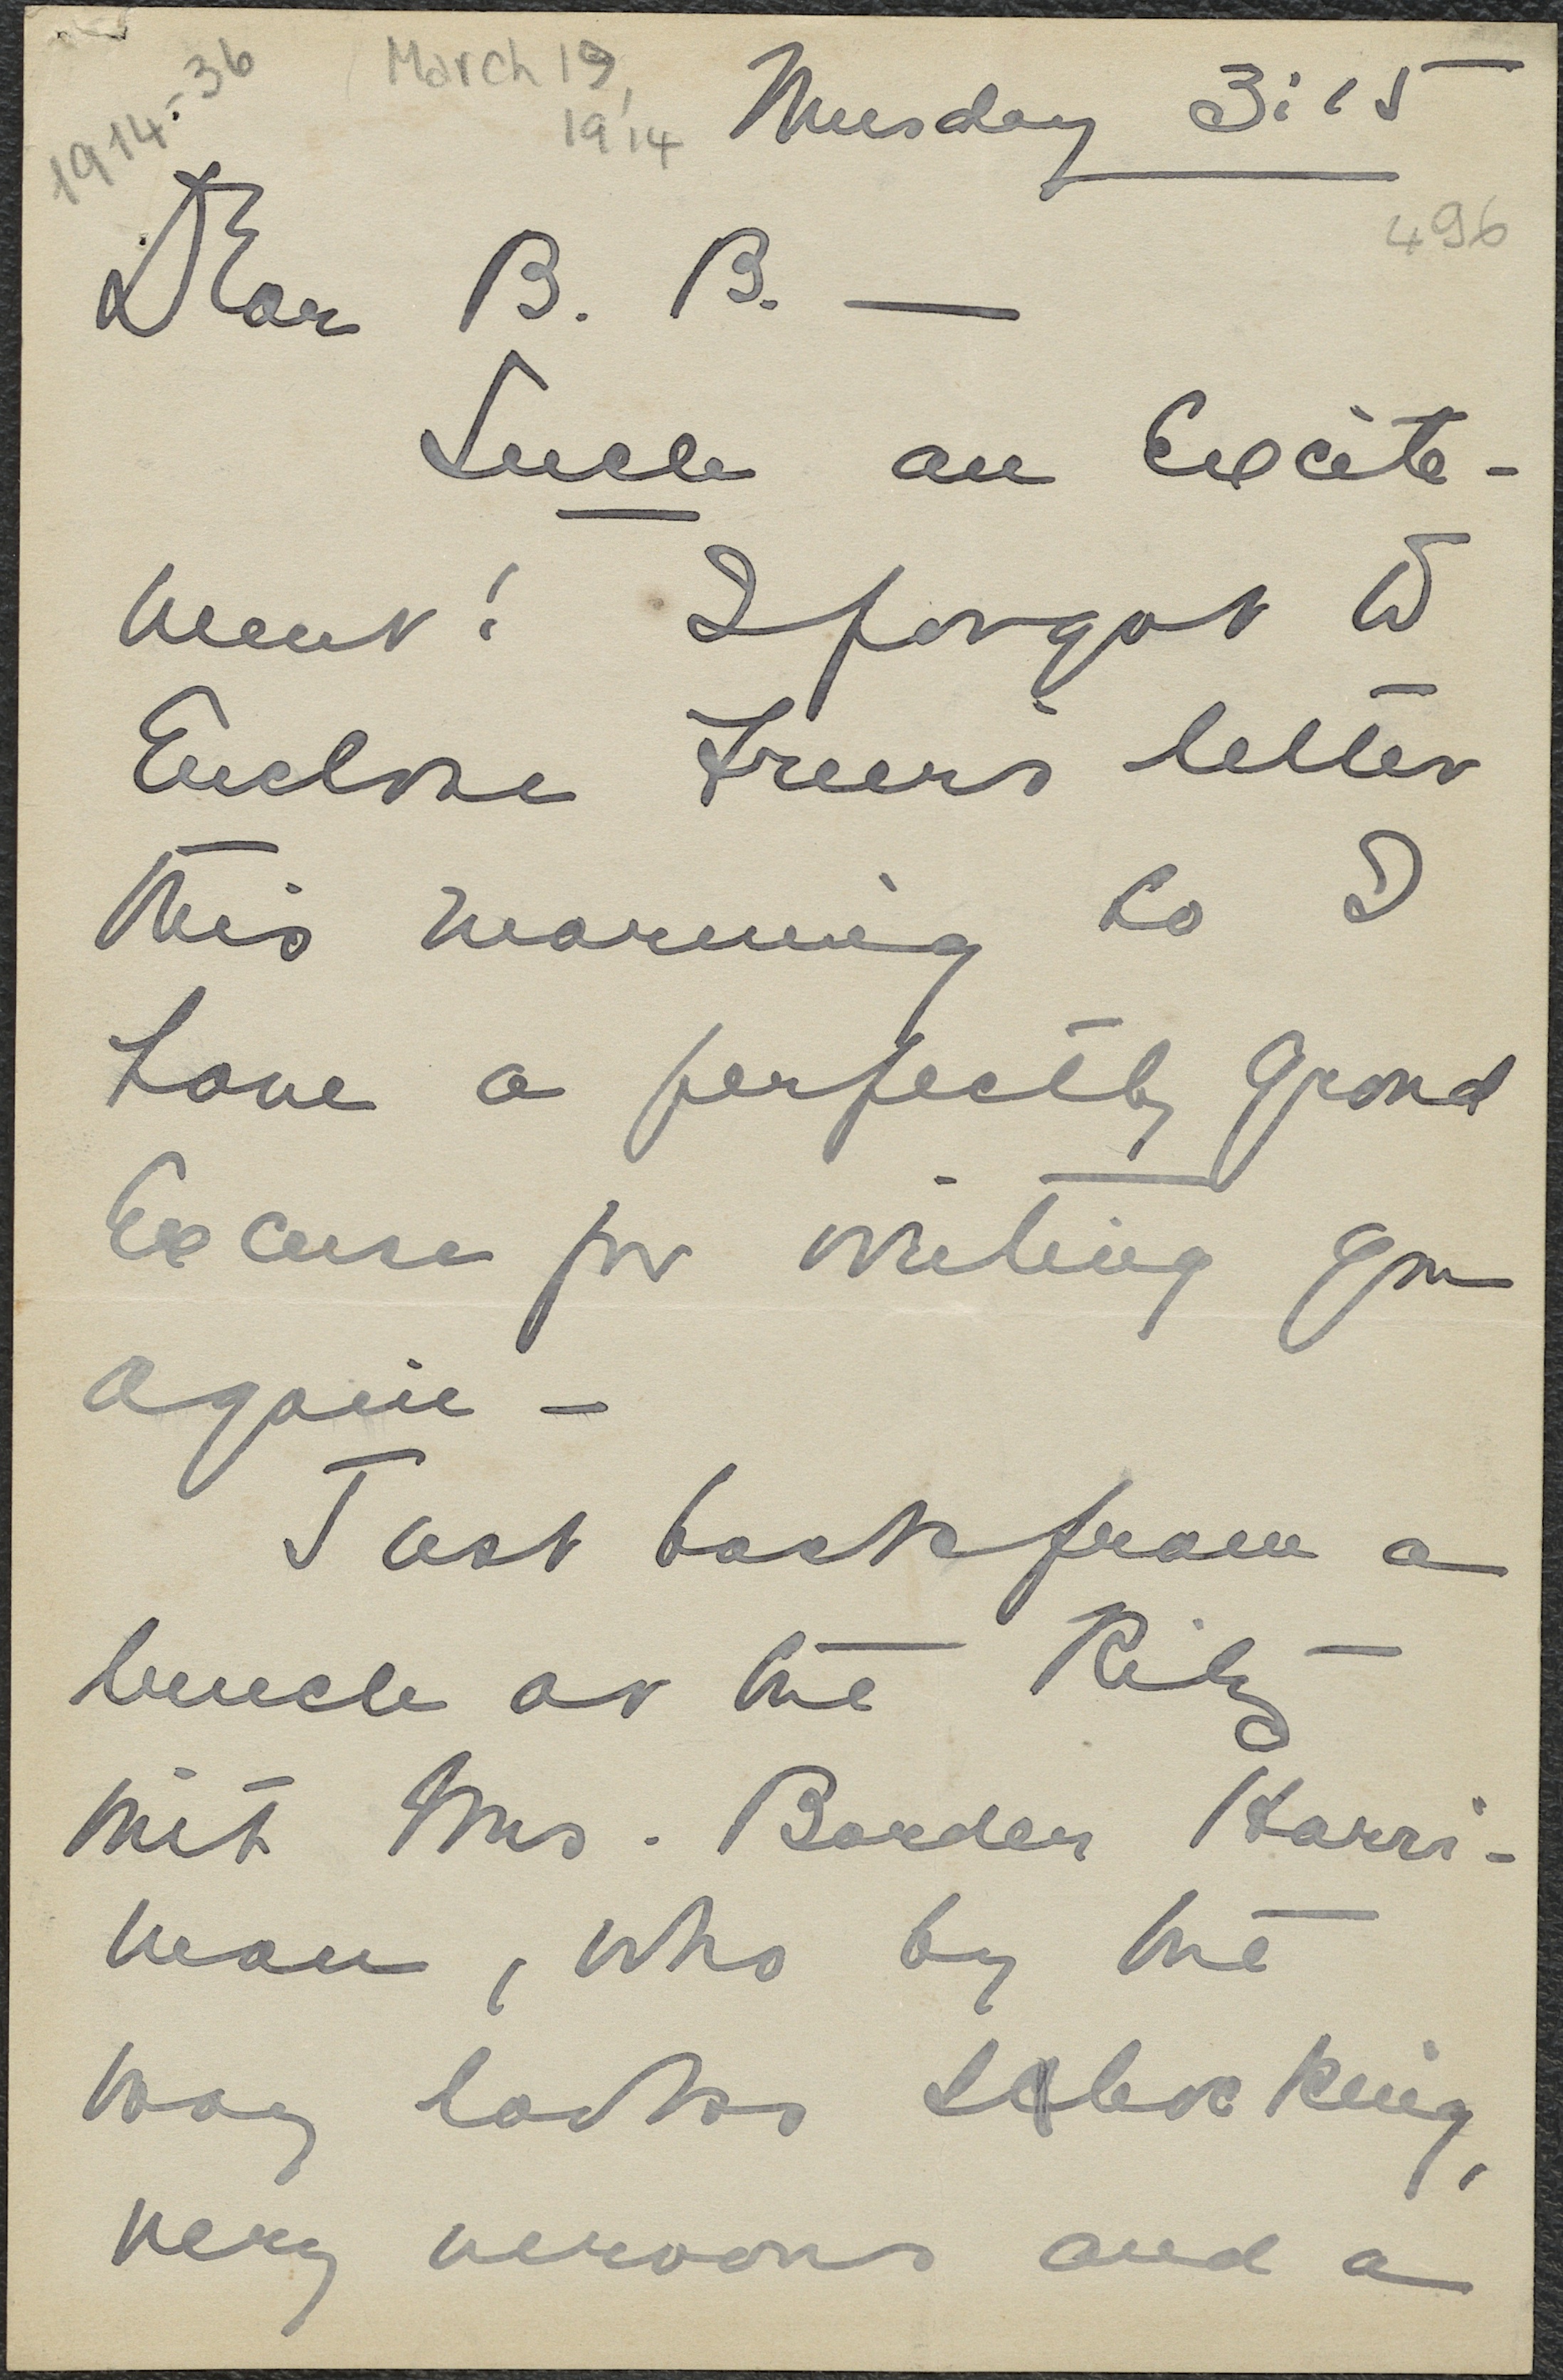Thursday 3:15
Dear B.B. –
Such an excitement! I forgot to enclose Freer’s letter this morning so I have a perfectly grand excuse for writing you again – Just back from a brunch at the Ritz with Mrs. Borden Harriman, who by the way looks schocking, very nervous and a